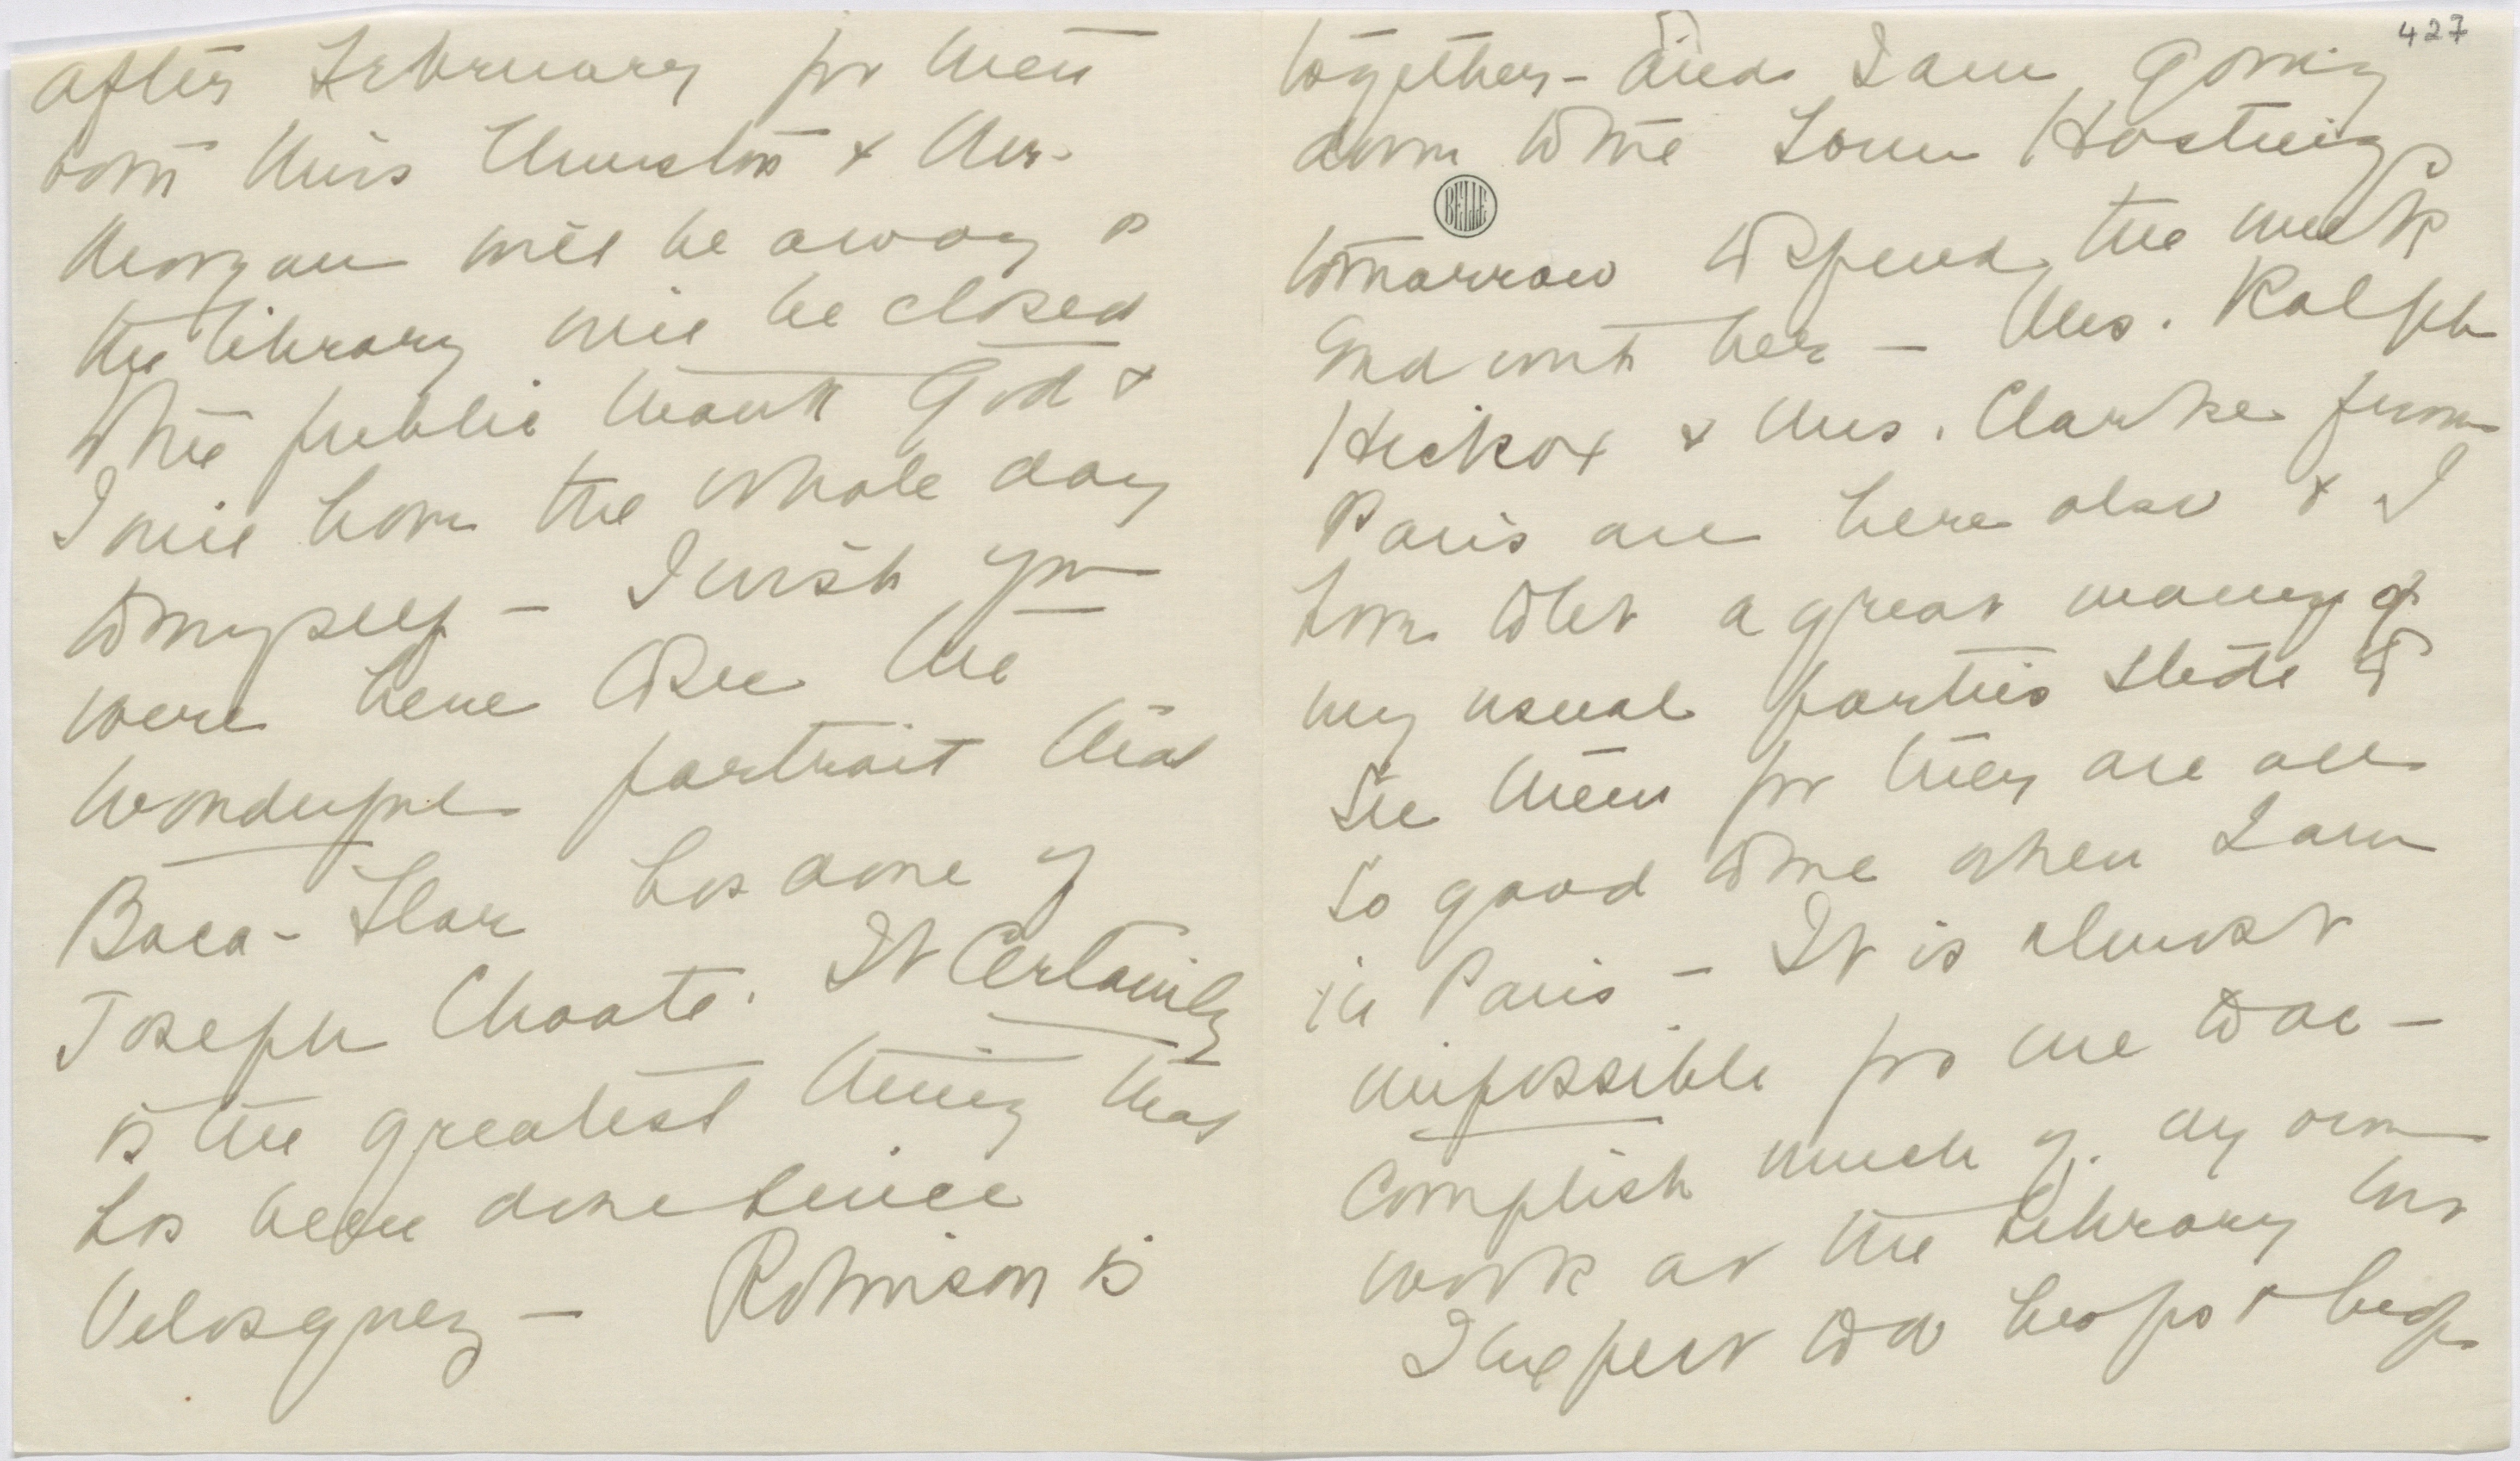together – and I am going down to the Tom Hastings tomorrow to spend the week end with her – Mrs. Ralph Hickox & Mrs. Clarke from Paris are here also & I have to let a great many of my usual parties slide to see them for they are all so good to me when I am in Paris – It is almost impossible for me to accomplish much of my own work at the Library but I expect to do heaps & heaps
after February for then both Miss Thurston & Mr. Morgan will be away & the library will be closed to the public thank God & I will have the whole day to myself – I wish you were here to see the wonderful portrait that Baca-Flor has done of Joseph Choate. It certainly is the greatest thing that has been done since Velasquez – Robinson is